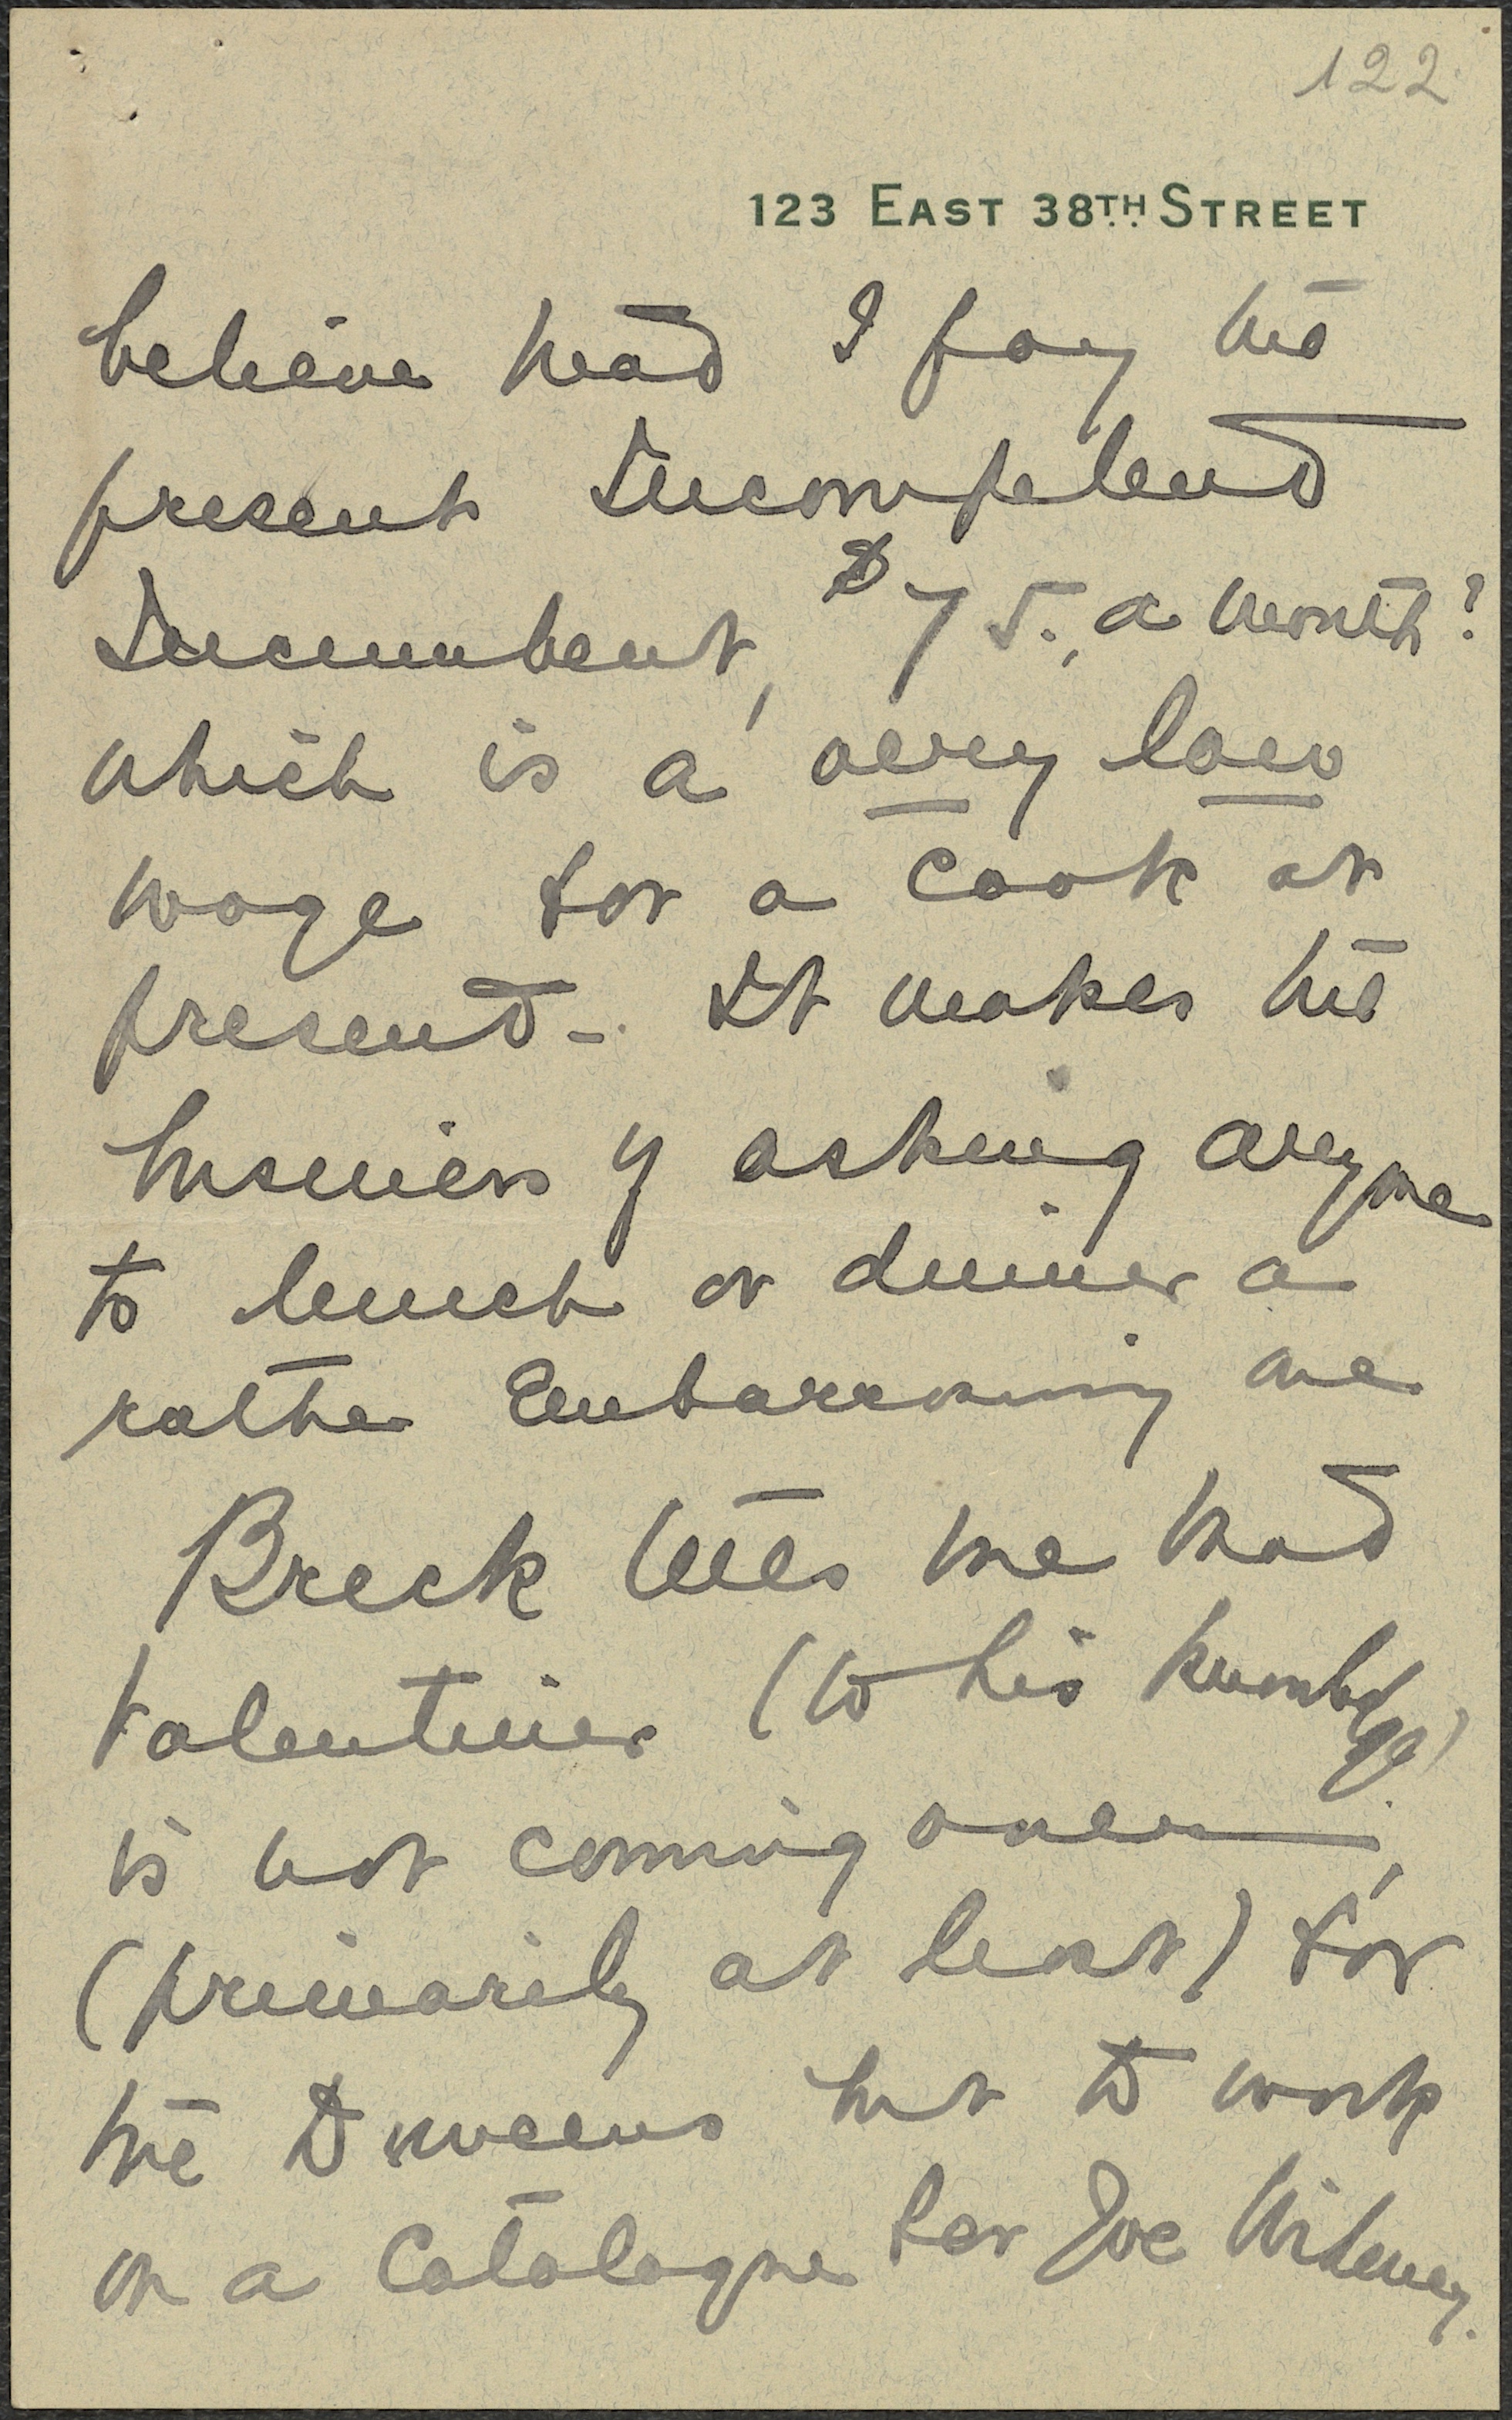believe that I pay the present Incompetent Incumbent $75., a month? Which is a very low wage for a cook at present. It makes the business of asking anyone to lunch or dinner a rather embarrassing one
Breck tells me that Valentiner (to his knowledge) is not coming over (primarily at least) for the Duveens but to work on a catalogue for Joe Widener.